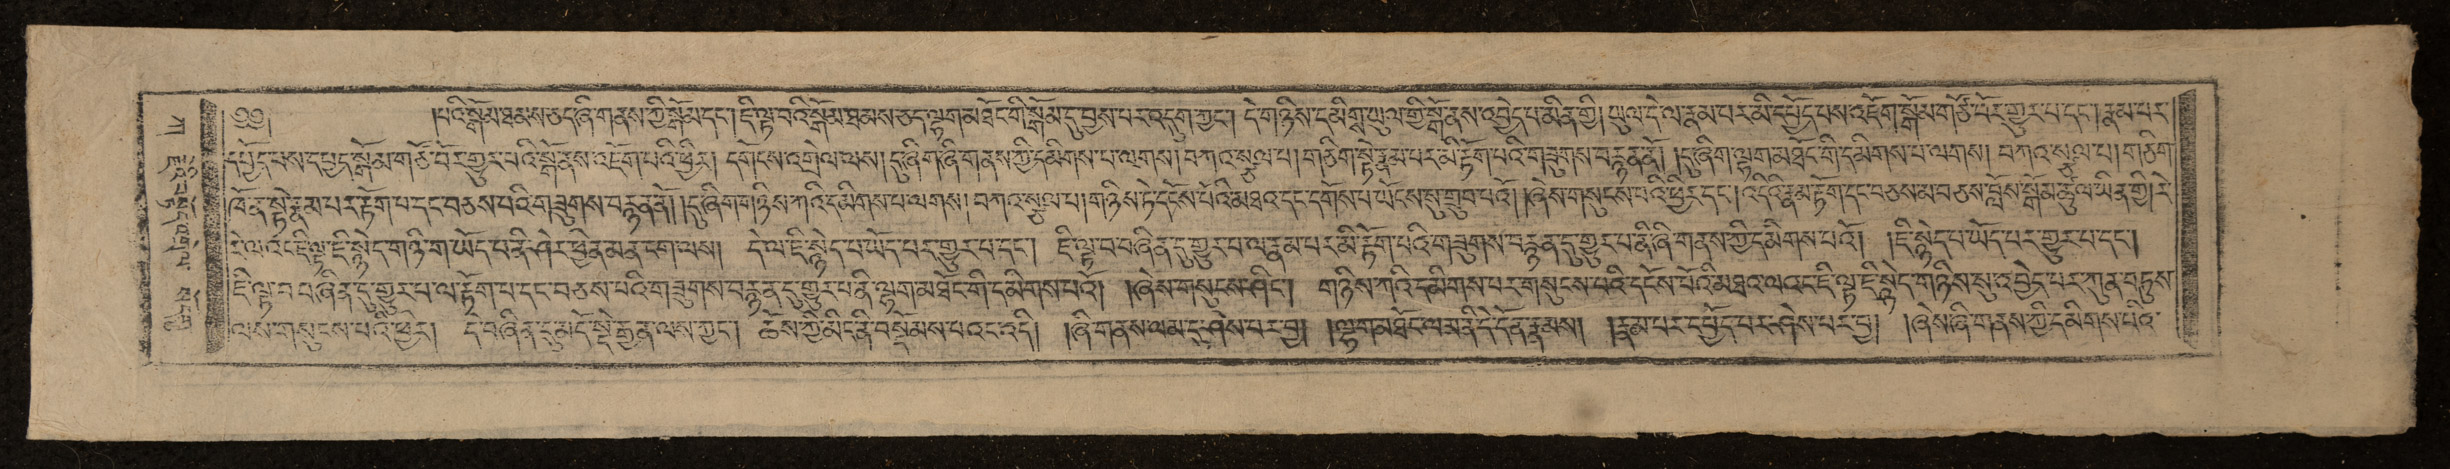༄༅། །བའི་སྒོམ་ཐམས་ཅད་ཞི་གནས་ཀྱི་སྒོམ་དང་། ཇི་ལྟ་བའི་སྒོམ་ཐམས་ཅད་ལྷག་མཐོང་གི་སྒོམ་དུ་བྱས་པར་འདུག་ཀྱང་། དེ་གཉིས་དམིགས་ཡུལ་གྱི་སྒོ་ནས་འབྱེད་པ་མིན་གྱི། ཡུལ་དེ་ལ་རྣམ་པར་མི་དཔྱོད་པས་འཇོག་སྒོམ་གཙོ་བོར་གྱུར་པ་དང་། རྣམ་པར་
དཔྱོད་བས་དཔྱད་སྒོམ་གཙོ་བོར་གྱུར་བའི་སྒོ་ནས་འཇོག་པའི་ཕྱིར། དགོངས་འགྲེལ་ལས། དུ་ཞིག་ཞི་གནས་ཀྱི་དམིགས་པ་ལགས། བཀའ་སྩལ་བ། གཅིག་སྟེ་རྣམ་པར་མི་རྟོག་པའི་གཟུགས་བརྙན་ནོ། །དུ་ཞིག་ལྷག་མཐོང་གི་དམིགས་པ་ལགས། བཀའ་སྩལ་པ། གཅིག་
ཁོ་ན་སྟེ་རྣམ་པར་རྟོག་པ་དང་བཅས་པའི་གཟུགས་བརྙན་ནོ། །དུ་ཞིག་གཉིས་ཀའི་དམིགས་པ་ལགས། བཀའ་སྩལ་བ། གཉིས་ཏེ་དངོས་པོའི་མཐའ་དང་དགོས་པ་ཡོངས་སུ་གྲུབ་པའོ། །ཞེས་གསུངས་པའི་ཕྱིར་དང་། འདིའི་རྣམ་རྟོག་དང་བཅས་མ་བཅས་བློས་སྒོམ་ཚུལ་ཡིན་གྱི་རེ་
རེ་ལའང་ཇི་ལྟ་ཇི་སྙེད་གཉི་ག་ཡོད་པ་ནི་ཤེར་ཕྱིན་མན་ངག་ལས། དེ་ལ་ཇི་སྙེད་པ་ཡོད་པར་གྱུར་པ་དང་། ཇི་ལྟ་བ་བཞིན་དུ་གྱུར་པ་ལ་རྣམ་པར་མི་རྟོག་པའི་གཟུགས་བརྙན་དུ་གྱུར་བ་ནི་ཞི་གནས་ཀྱི་དམིགས་པའོ། །ཇི་སྙེད་པ་ཡོད་བར་གྱུར་པ་དང་།
ཇི་ལྟ་བ་བཞིན་དུ་གྱུར་པ་ལ་རྟོག་པ་དང་བཅས་པའི་གཟུགས་བརྙན་དུ་གྱུར་བ་ནི་ལྷག་མཐོང་གི་དམིགས་པའོ། །ཞེས་གསུངས་ཤིང་། གཉིས་ཀའི་དམིགས་པར་གསུངས་པའི་དངོས་པོའི་མཐའ་ལའང་ཇི་ལྟ་ཇི་སྙེད་གཉིས་སུ་འབྱེད་པར་ཀུན་བཏུས་
ལས་གསུངས་པའི་ཕྱིར། དེ་བཞིན་དུ་མདོ་སྡེ་རྒྱན་ལས་ཀྱང་། ཆོས་ཀྱི་མིང་ནི་བསྡོམས་པའང་འདི། །ཞི་གནས་ལམ་དུ་ཤེས་བར་བྱ། །ལྷག་མཐོང་ལམ་ནི་དི་དོན་རྣམས། །རྣམ་པར་དཔྱོད་པར་ཤེས་པར་བྱ། །ཞེས་ཞི་གནས་ཀྱི་དམིགས་པའི་